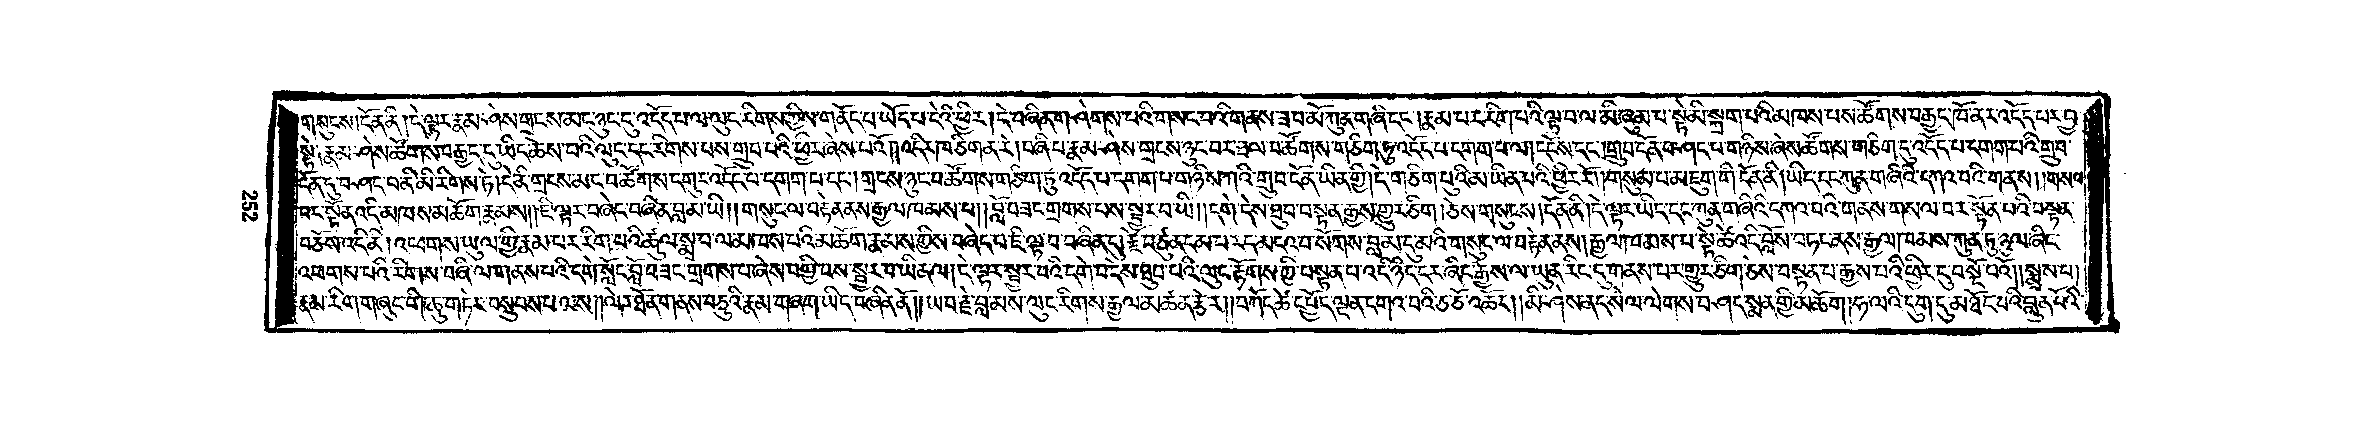གསུངས། དོན་ནི། དེ་ལྟར་རྣམ་ཤེས་གྲངས་མང་ཉུང་དུ་འདོད་པ་ལ་ལུང་རིགས་ཀྱིས་གནོད་པ་ཡོད་པ་དེའི་ཕྱིར། དེ་བཞིན་གཤེགས་པའི་གསང་བའི་གནས་ཟབ་མོ་ཀུན་གཞི་དང་། རྣམ་པར་རིག་པའི་ལྟ་བ་ལ་མི་ཞུམ་པ་སྟེ་མི་སྐྲག་པའི་མཁས་པས་ཚོགས་བརྒྱད་ཁོ་ནར་འདོད་པར་བྱ་
སྟེ་རྣམས་ཤེས་ཚོགས་བརྒྱད་དུ་ཡིད་ཆེས་བའི་ལུང་དང་རིགས་པས་གྲུབ་པའི་ཕྱིར་ཞེས་པའོ། །འདིར་ཁ་ཅིག་ན་རེ། བཞི་པ་རྣམ་ཤེས་གྲངས་ཉུང་བར་ཐལ་བ་ཚོགས་གཅིག་ཏུ་འདོད་པ་དགག་པ་ལ། དངོས་དང་། གྲུབ་དོན་བཤད་པ་གཉིས་ཞེས་ཚོགས་གཅིག་དུ་འདོད་པ་དགག་པའི་གྲུབ་
དོན་དུ་བཤད་བ་ནི་མི་རིགས་ཏེ། དེ་ནི་གྲངས་མང་བ་ཚོགས་དགུར་འདོད་པ་དགག་པ་དང་། གྲངས་ཉུང་བ་ཚོགས་གཅིག་ཏུ་འདོད་པ་དགག་པ་གཉིས་ཀའི་གྲུབ་དོན་ཡིན་གྱི། དེ་གཅིག་པུའི་མ་ཡིན་པའི་ཕྱིར་རོ། །གསུམ་པ་མཇུག་གི་དོན་ནི། ཡིད་དང་ཀུན་གཞིའི་དཀའ་བའི་གནས། །གསལ་
བར་སྟོན་འདི་མཁས་མཆོག་རྣམས། །ཇི་ལྟར་བཞེད་བཞིན་བླ་མ་ཡི། །གསུང་ལ་བརྟེན་ནས་རྒྱལ་ཁམས་པ། །བློ་བཟང་གྲགས་པས་སྦྱར་བ་ཡི། །དགེ་དེས་ཐུབ་བསྟན་རྒྱས་གྱུར་ཅིག །ཅེས་གསུངས། དོན་ནི། དེ་ལྟར་ཡིད་དང་ཀུན་གཞིའི་དཀའ་བའི་གནས་གསལ་བར་སྟོན་པའི་བསྟན་
བཅོས་འདི་ནི། འཕགས་ཡུལ་གྱི་རྣམ་པར་རིག་པའི་ཚུལ་སྨྲ་བ་ལ་མཁས་པའི་མཆོག་རྣམས་གྱིས་བཞེད་པ་ཇི་ལྟ་བ་བཞིན་དུ། རྗེ་བཙུན་དམ་པ་རང་མདའ་བ་སོགས་བླ་མ་དུ་མའི་གསུང་ལ་བརྟེན་ནས། རྒྱལ་ཁམས་པ་སྟེ་ཚེ་འདི་བློས་བཏང་ནས་རྒྱལ་ཁམས་ཀུན་ཏུ་ཉུལ་ཞིང་
འཕགས་པའི་རིགས་བཞི་ལ་གནས་པའི་དགེ་སློང་བློ་བཟང་གྲགས་པ་ཞེས་བགྱི་བས་སྦྱར་བ་ཡིན་ལ། དེ་ལྟར་སྦྱར་བའི་དགེ་བ་དེས་ཐུབ་པའི་ལུང་རྟོགས་ཀྱི་བསྟན་པ་འདི་ཉིད་དར་ཞིང་རྒྱས་ལ་ཡུན་རིང་དུ་གནས་པར་གྱུར་ཅིག་ཅེས་བསྟན་པ་རྒྱས་པའི་ཕྱིར་དུ་བསྔོ་བའོ། །སྨྲས་པ།
རྣམ་རིག་གཞུང་གི་ཆུ་གཏེར་བསྲུབས་པ་ལས། །ལེགས་ཐོན་གནས་བཅུའི་རྣམ་གཞག་ཡིད་བཞིན་ནོ། །ཡབ་རྗེ་བླ་མས་ལུང་རིགས་རྒྱལ་མཚན་རྩེར། །བཀོད་ཚེ་དཔྱོད་ལྡན་དགའ་བའི་ཅ་ཅོ་འཆོར། །མི་ཤེས་ནད་སེལ་ལེགས་བཤད་སྨན་གྱི་མཆོག །ཧ་ལའི་དུག་དུ་མཐོང་པའི་བླུན་པོའི་